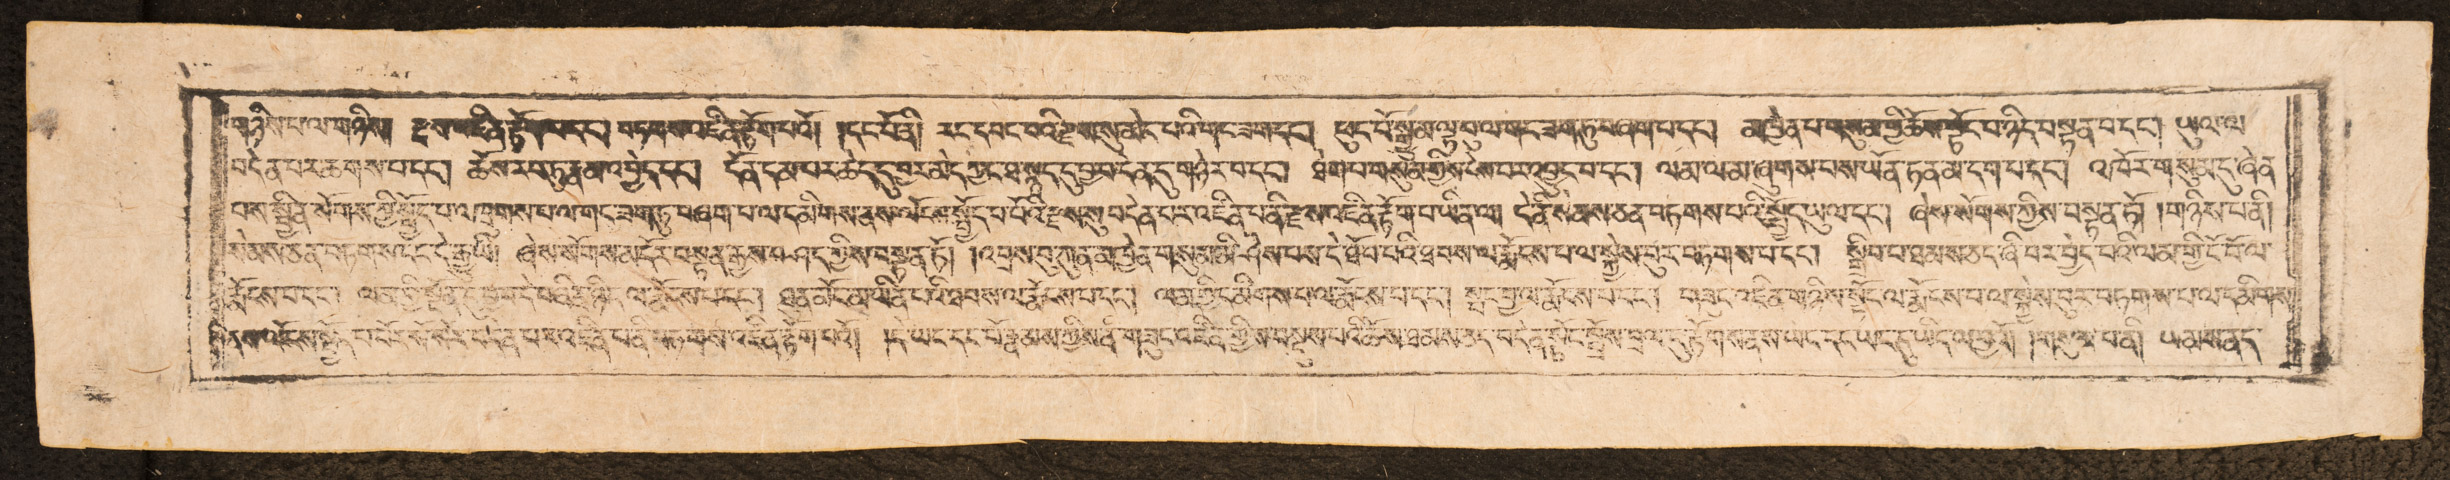གཉིས་པ་ལ་གཉིས། རྫས་འཛིན་རྟོག་པ་དང་། བཏགས་འཛིན་རྟོག་པའོ། །དང་པོ་ནི། རང་དབང་བའི་རྫས་སུ་མེད་པའི་གང་ཟག་དང་། ཕུང་པོ་སྒྱུ་མ་ལྟ་བུ་ལ་གང་ཟག་ཏུ་བཞག་པ་དང་། མཁྱེན་པ་གསུམ་གྱི་ཆོས་སྟོང་པ་ཉིད་བསྟན་པ་དང་། ཡུལ་ལ་
བདེན་པར་ཆགས་པ་དང་། ཆོས་རབ་ཏུ་རྣམ་འབྱེད་དང་། དོན་དམ་པར་ཆེད་དུ་བྱར་མེད་ཀྱང་ཐ་སྙད་དུ་བྱ་བ་དོན་དུ་གཉེར་བ་དང་། ཐེག་པ་གསུམ་གྱིས་ངེས་པར་འབྱུང་བ་དང་། ལམ་ལ་མ་ཞུགས་པས་ཡོན་ཏན་མ་དག་པ་དང་། འཁོར་གསུམ་དུ་ཞེན་
པས་སྦྱིན་སོགས་ཀྱི་སྤྱོད་པ་འཁྲུགས་པ་ལ་གང་ཟག་ཏུ་བཞག་པ་ལ་དམིགས་ནས་ལོངས་སྤྱོད་པ་པོའི་རྫས་སུ་བདེན་པར་འཛིན་པ་ནི་རྫས་འཛིན་རྟོག་པ་ཡིན་ལ། དེ་ནི་སེམས་ཅན་བཏགས་པའི་སྤྱོད་ཡུལ་དང་། ཞེས་སོགས་ཀྱིས་བསྟན་ཏོ། །གཉིས་པ་ནི།
སེམས་ཅན་བཏགས་དང་དེ་རྒྱུ་ཡི། ཞེས་སོགས་མདོར་བསྟན་རྒྱས་བཤད་ཀྱིས་བསྟན་ཏོ། །འབྲས་བུ་ཀུན་མཁྱེན་གསུམ་མི་ཤེས་པས་དེ་ཐོབ་པའི་ཐབས་ལ་རྨོངས་པ་ལ་སྐྱེས་བུར་བཏགས་པ་དང་། སྒྲིབ་པ་ཐམས་ཅད་ཞི་བར་བྱེད་པའི་ལམ་གྱི་ངོ་བོ་ལ་
རྨོངས་པ་དང་། ལམ་གྱི་སྔོན་དུ་བྱ་བ་དེ་བཞིན་ཉིད་ལ་རྨོངས་པ་དང་། ཐུན་མོང་མ་ཡིན་པའི་ཐབས་ལ་རྨོངས་པ་དང་། ལམ་གྱི་དམིགས་པ་ལ་རྨོངས་པ་དང་། སྤང་བྱ་ལ་རྨོངས་པ་དང་། གཟུང་འཛིན་གཉིས་སྟོང་ལ་རྨོངས་པ་ལ་སྐྱེས་བུར་བཏགས་པ་ལ་དམིགས་
ནས་ལོངས་སྤྱོད་པ་པོར་སོ་སོར་བདེན་པར་འཛིན་པ་ནི་བཏགས་འཛིན་རྟོག་པའོ། །དེ་ཡང་དང་པོ་རྣམས་ཀྱིས་ནི་གཟུང་འཛིན་གྱིས་བསྡུས་པའི་ཆོས་ཐམས་ཅད་བདེན་སྟོང་སྤྲོས་བྲལ་དུ་རྟོགས་ནས་ཡང་དང་ཡང་དུ་ཡིད་ལ་བྱའོ། །གསུམ་པ་ནི། ཡམས་ནད་